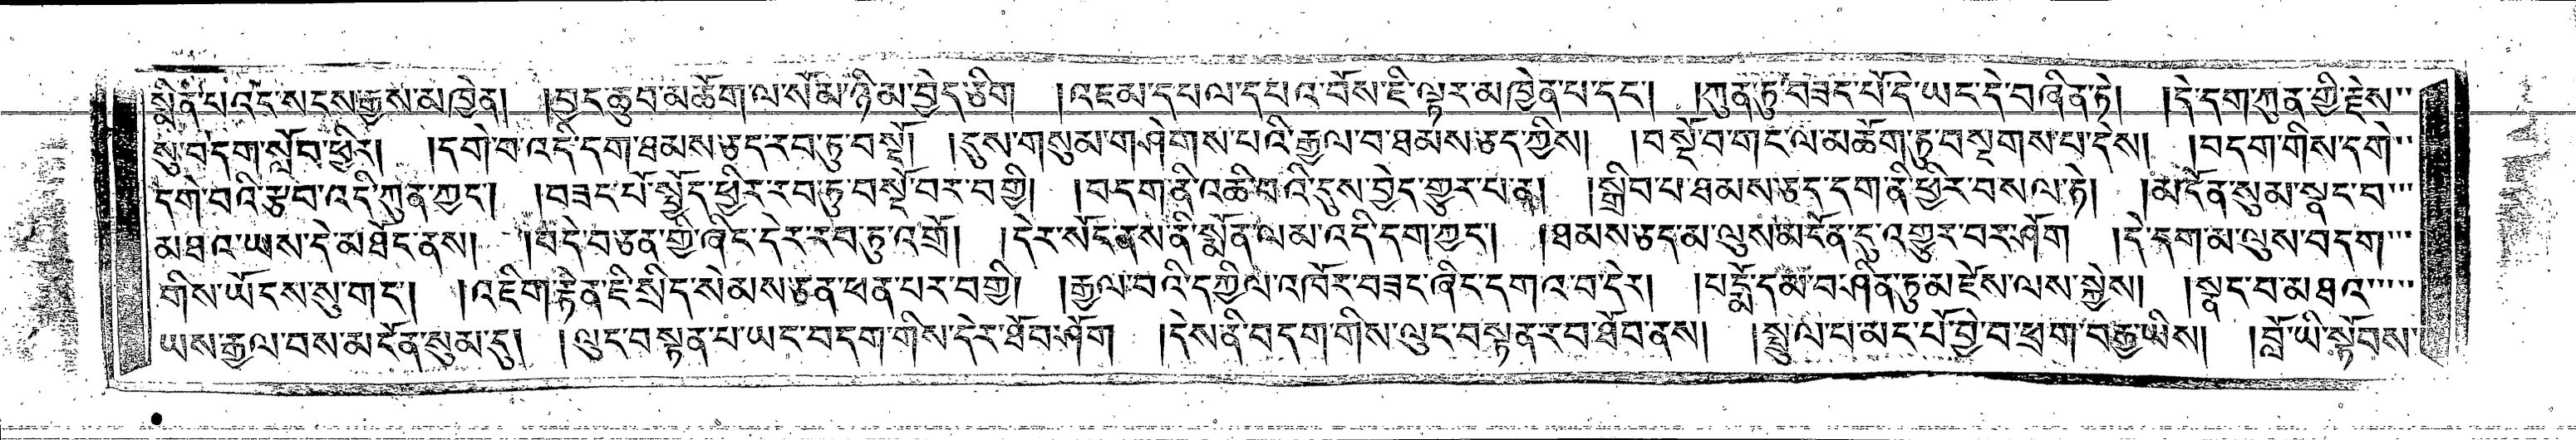སྨིན་པའང་སངས་རྒྱས་མཁྱེན། །བྱང་ཆུབ་མཆོག་ལ་སོམ་ཉི་མ་བྱེད་ཅིག །འཇམ་དཔལ་དཔའ་བོས་ཇི་ལྟར་མཁྱེན་པ་དང་། །ཀུན་ཏུ་བཟང་པོ་དེ་ཡང་དེ་བཞིན་ཏེ། །དེ་དག་ཀུན་གྱི་རྗེས་
སུ་བདག་སློབ་ཕྱིར། །དགེ་བ་འདི་དག་ཐམས་ཅད་རབ་ཏུ་བསྔོ། །དུས་གསུམ་གཤེགས་པའི་རྒྱལ་བ་ཐམས་ཅད་ཀྱིས། །བསྔོ་བ་གང་ལ་མཆོག་ཏུ་བསྔགས་པ་དེས། །བདག་གིས་དགེ་
བའི་རྩ་བ་འདི་ཀུན་ཀྱང་། །བཟང་པོ་སྤྱོད་ཕྱིར་རབ་ཏུ་བསྔོ་བར་བགྱི། །བདག་ནི་འཆི་བའི་དུས་བྱེད་གྱུར་པ་ན། །སྒྲིབ་པ་ཐམས་ཅད་དག་ནི་ཕྱིར་བསལ་ཏེ། །མངོན་སུམ་སྣང་བ་
མཐའ་ཡས་དེ་མཐོང་ནས། །བདེ་བ་ཅན་གྱི་ཞིང་དེར་རབ་ཏུ་འགྲོ། །དེར་སོང་ནས་ནི་སྨོན་ལམ་འདི་དག་ཀྱང་། །ཐམས་ཅད་མ་ལུས་མངོན་དུ་འགྱུར་བར་ཤོག །དེ་དག་མ་ལུས་བདག་
གིས་ཡོངས་སུ་གང་། །འཇིག་རྟེན་ཇི་སྲིད་སེམས་ཅན་ཕན་པར་བགྱི། །རྒྱལ་བའི་དཀྱིལ་འཁོར་བཟང་ཞིང་དགའ་བ་དེར། །པདམོ་དམ་པ་ཤིན་ཏུ་མཛེས་ལས་སྐྱེས། །སྣང་བ་མཐའ་
ཡས་རྒྱལ་བས་མངོན་སུམ་དུ། །ལུང་བསྟན་པ་ཡང་བདག་གིས་དེར་ཐོབ་ཤོག །དེས་ནི་བདག་གིས་ལུང་བསྟན་རབ་ཐོབ་ནས། །སྤྲུལ་པ་མང་པོ་བྱེ་བ་ཕྲག་བརྒྱ་ཡིས། །བློ་ཡི་སྟོབས་